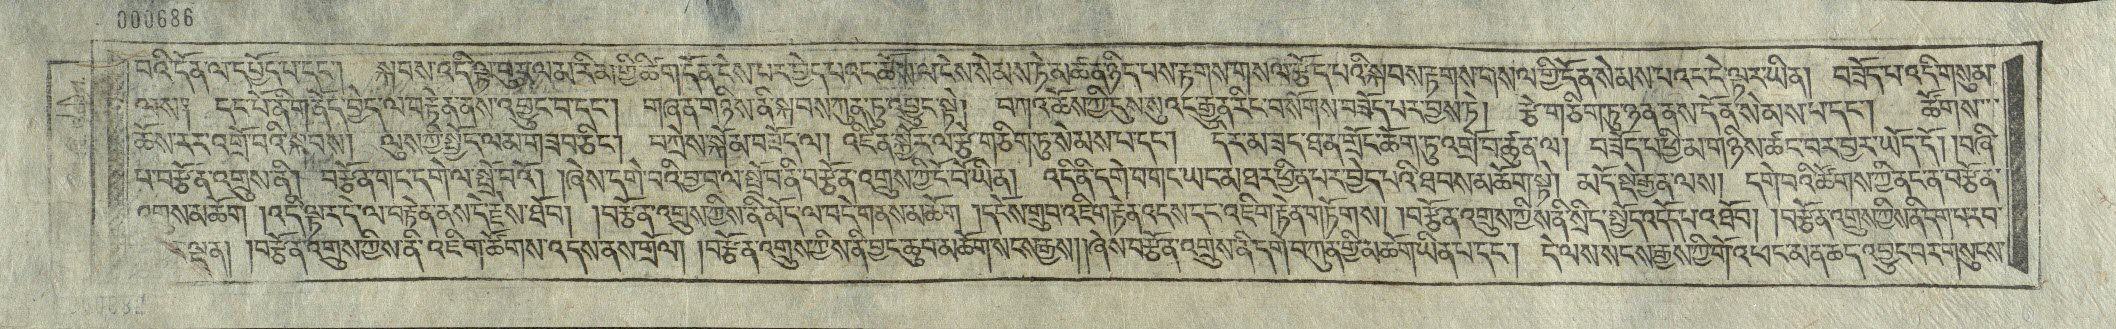བའི་དོན་ལ་དཔྱོད་པ་དང་། སྐབས་འདི་ལྟ་བུར་ལམ་རིམ་གྱི་ཚིག་དོན་ངེས་པར་བྱེད་པའང་ཆོས་ལ་ངེས་སེམས་ཏེ་མཚན་ཉིད་པས་རྟགས་གསལ་རྩོད་པའི་སྐབས་རྟགས་གསལ་གྱི་དོན་སེམས་པའང་དེ་ལྟར་ཡིན། བཟོད་པ་འདི་གསུམ་
ལས༑ དང་པོ་ནི་གནོད་བྱེད་ལ་བརྟེན་ནས་འབྱུང་བ་དང་། གཞན་གཉིས་ནི་སྐབས་ཀུན་ཏུ་འབྱུང་སྟེ། བཀའ་ཆོས་ཀྱི་དུས་སུའང་རྒྱུན་རིང་བ་སོགས་བཟོད་པར་བྱས་ཏེ། རྩེ་གཅིག་ཏུ་ཉན་ནས་དོན་སེམས་པ་དང་། ཚོགས་
ཆོས་རར་འགྲོ་བའི་སྐབས། ལུས་ཀྱི་སྤྱོད་ལམ་གཟབ་ཅིང་། བཀྲེས་སྐོམ་བཟོད་ལ། འཛིན་སྐྱོར་ལ་རྩེ་གཅིག་ཏུ་སེམས་པ་དང་། དེར་མ་ཟད་ཐ་ན་གྲོང་ཆོག་ཏུ་འགྲོ་བ་ཚུན་ལ། བཟོད་པ་ཕྱི་མ་གཉིས་ཚང་བར་བྱར་ཡོད་དོ། །བཞི་
པ་བརྩོན་འགྲུས་ནི། བརྩོན་གང་དགེ་ལ་སྤྲོ་བའོ། །ཞེས་དགེ་བའི་བྱ་བ་ལ་སྤྲོ་བ་ནི་བརྩོན་འགྲུས་ཀྱི་ངོ་བོ་ཡིན། འདི་ནི་དགེ་བ་གང་ཡང་མཐར་ཕྱིན་པར་བྱེད་པའི་ཐབས་མཆོག་སྟེ། མདོ་སྡེ་རྒྱན་ལས། དགེ་བའི་ཚོགས་ཀྱི་ནང་ན་བརྩོན་
འགྲུས་མཆོག །འདི་ལྟར་དེ་ལ་བརྟེན་ནས་དེ་རྗེས་ཐོབ། །བརྩོན་འགྲུས་ཀྱིས་ནི་མོད་ལ་བདེ་གནས་མཆོག །དངོས་གྲུབ་འཇིག་རྟེན་འདས་དང་འཇིག་རྟེན་གཏོགས། །བརྩོན་འགྲུས་ཀྱིས་ནི་སྲིད་སྤྱོད་འདོད་པ་འཐོབ། །བརྩོན་འགྲུས་ཀྱིས་ནི་དག་པ་རབ་
འགྱུར་ལྡན། །བརྩོན་འགྲུས་ཀྱིས་ནི་འཇིག་ཚོགས་འདས་ནས་གྲོལ། །བརྩོན་འགྲུས་ཀྱིས་ནི་བྱང་ཆུབ་མཆོག་སངས་རྒྱས། །ཞེས་བརྩོན་འགྲུས་ནི་དགེ་བ་ཀུན་གྱི་མཆོག་ཡིན་པ་དང་། དེ་ལས་སངས་རྒྱས་ཀྱི་གོ་འཕང་མན་ཆད་འབྱུང་བར་གསུངས་